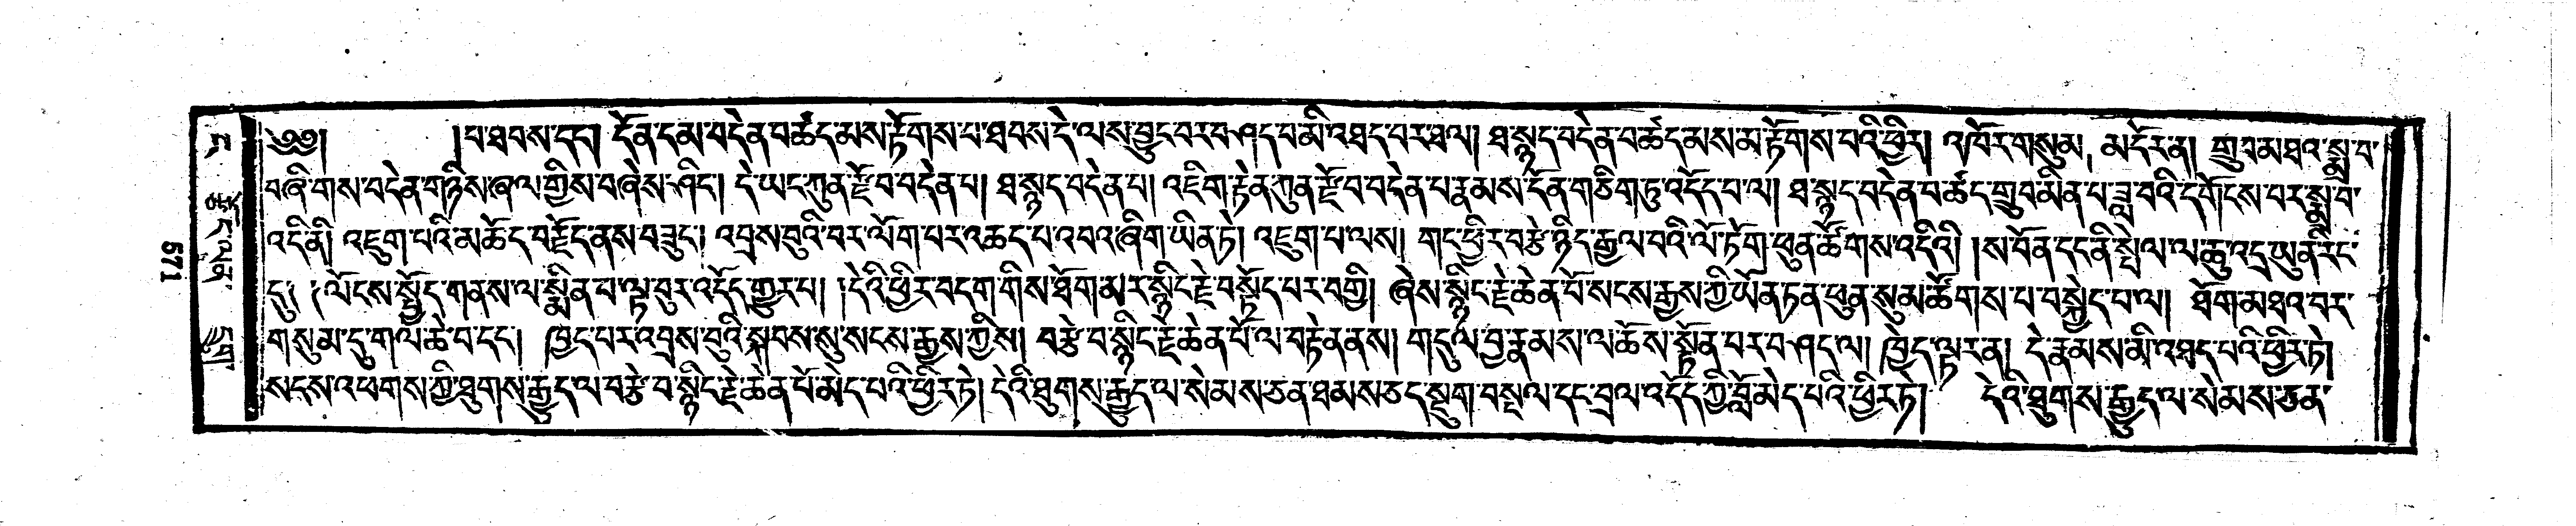༄༅། །པ་ཐབས་དང་། དོན་དམ་བདེན་པ་ཚད་མས་རྟོགས་པ་ཐབས་དེ་ལས་བྱུང་བར་བཤད་པ་མི་འཐད་པར་ཐལ། ཐ་སྙད་བདེན་པ་ཚད་མས་མ་རྟོགས་པའི་ཕྱིར། འཁོར་གསུམ། མདོར་ན། གྲུབ་མཐའ་སྨྲ་བ་
བཞི་གས་བདེན་གཉིས་ཞལ་གྱིས་བཞེས་ཤིང་། དེ་ཡང་ཀུན་རྫོབ་བདེན་པ། ཐ་སྙད་བདེན་པ། འཇིག་རྟེན་ཀུན་རྫོབ་བདེན་པ་རྣམས་དོན་གཅིག་ཏུ་འདོད་པ་ལ། ཐ་སྙད་བདེན་པ་ཚད་གྲུབ་མིན་པ་ཟླ་བའི་དགོངས་པར་སྨྲ་བ་
འདི་ནི། འཇུག་པའི་མཆོད་བརྗོད་ནས་བཟུང་། འབྲས་བུའི་བར་ལོག་པར་འཆད་པ་འབའ་ཞིག་ཡིན་ཏེ། འཇུག་པ་ལས། གང་ཕྱིར་བརྩེ་ཉིད་རྒྱལ་བའི་ལོ་ཏོག་ཕུན་ཚོགས་འདིའི། །ས་བོན་དང་ནི་སྤེལ་ལ་ཆུ་འདྲ་ཡུན་རིང་
དུ༑ ༑ལོངས་སྤྱོད་གནས་ལ་སྨིན་པ་ལྟ་བུར་འདོད་གྱུར་པ། །དེའི་ཕྱིར་བདག་གིས་ཐོག་མར་སྙིང་རྗེ་བསྟོད་པར་བགྱི། ཞེས་སྙིང་རྗེ་ཆེན་པོ་སངས་རྒྱས་ཀྱི་ཡོན་ཏན་ཕུན་སུམ་ཚོགས་པ་བསྐྱེད་པ་ལ། ཐོག་མཐའ་བར་
གསུམ་དུ་གལ་ཆེ་བ་དང་། ཁྱད་པར་འབྲས་བུའི་སྐབས་སུ་སངས་རྒྱས་ཀྱིས། བརྩེ་བ་སྙིང་རྗེ་ཆེན་པོ་ལ་བརྟེན་ནས། གདུལ་བྱ་རྣམས་ལ་ཆོས་སྟོན་པར་བཤད་ལ། ཁྱེད་ལྟར་ན། དེ་རྣམས་མི་འཐད་པའི་ཕྱིར་ཏེ།
སངས་འཕགས་ཀྱི་ཐུགས་རྒྱུད་ལ་བརྩེ་བ་སྙིང་རྗེ་ཆེན་པོ་མེད་པའི་ཕྱིར་ཏེ། དེའི་ཐུགས་རྒྱུད་ལ་སེམས་ཅན་ཐམས་ཅད་སྡུག་བསྔལ་དང་བྲལ་འདོད་ཀྱི་བློ་མེད་པའི་ཕྱིར་ཏེ། དེའི་ཐུགས་རྒྱུད་ལ་སེམས་ཅན་